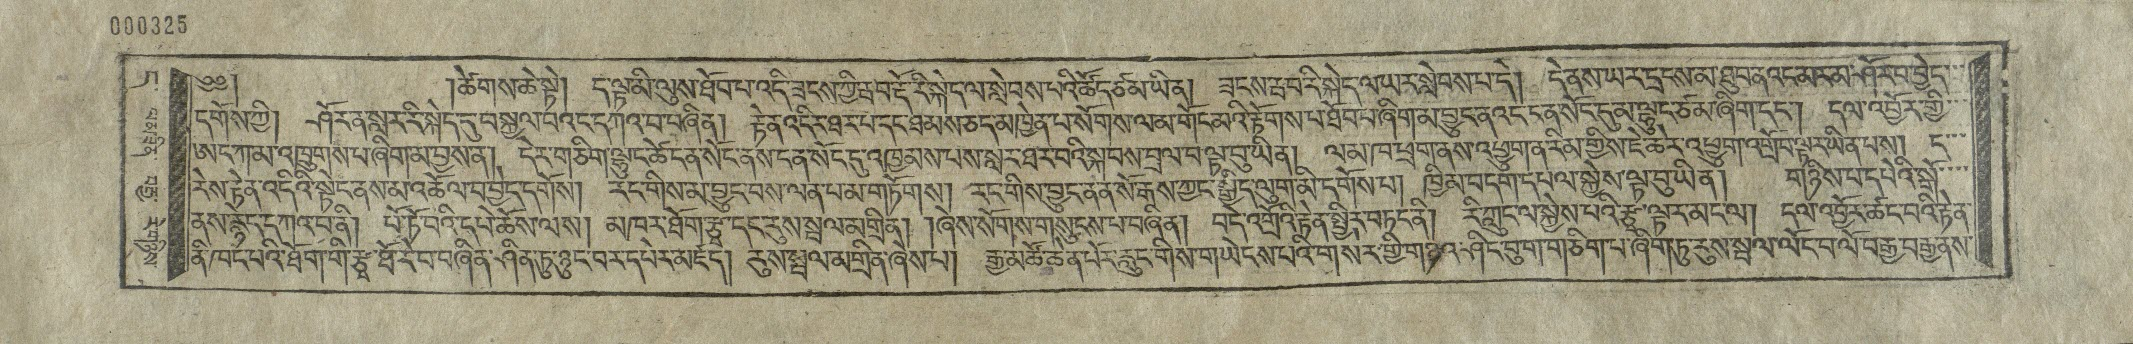༄༅། །ཚེགས་ཆེ་སྟེ། ད་ལྟ་མི་ལུས་ཐོབ་པ་འདི་ཟངས་ཀྱི་རྦབ་རྡོ་རི་སྐེད་ལ་སླེབས་པའི་ཚོད་ཙམ་ཡིན། ཟངས་རྦབ་རི་སྐེད་ལ་ཡར་སླེབས་པ་དེ། དེ་ནས་ཡར་དྲངས་མ་ཐུབ་ནའང་མར་མ་ཤོར་བ་བྱེད་
དགོས་ཀྱི། ཤོར་ན་སླར་རི་སྐེད་དུ་བསྐྱལ་བའང་དཀའ་བ་བཞིན། རྟེན་འདིར་ཐར་པ་དང་ཐམས་ཅད་མཁྱེན་པ་སོགས་ལམ་གོང་མའི་རྟོགས་པ་ཐོབ་པ་ཞིག་མ་བྱུང་ནའང་ངན་སོང་དུ་མ་ལྷུང་ཙམ་ཞིག་དང་། དལ་འབྱོར་གྱི་
ཨང་ཀ་མ་འཁྲུགས་པ་ཞིག་མ་བྱས་ན། དེར་གཅིག་ལྷུང་ཚེ་ངན་སོང་ནས་ངན་སོང་དུ་འཁྱམས་པས་སླར་ཐར་བའི་སྐབས་བྲལ་བ་ལྟ་བུ་ཡིན། ལམ་ཁ་ཕྲག་ནས་འཕྱུག་ན་རིམ་གྱིས་ཇེ་ཆེར་འཕྱུག་འགྲོ་བ་ལྟར་ཡིན་པས། ད་
རེས་རྟེན་འདིའི་སྟེང་ནས་མ་འཆོལ་བ་བྱེད་དགོས། རང་གིས་མ་བྱུང་བས་ལན་པ་མ་གཏོགས། རང་གིས་བྱུང་ནན་སོ་རྒས་ཀྱང་སྒྱིད་ལུག་མི་དགོས་པ། ཁྱིམ་བདག་དཔལ་སྐྱེས་ལྟ་བུ་ཡིན། གཉིས་པ་དཔེའི་སྒོ་
ནས་རྙེད་དཀའ་བ་ནི། པོ་ཏོ་བའི་དཔེ་ཆོས་ལས། མཁར་ཐོག་རྩྭ་དང་རུས་སྦལ་མགྲིན། །ཞེས་སོགས་གསུངས་པ་བཞིན། བདེ་འགྲོའི་རྟེན་སྤྱིར་བཏང་ནི། རི་ཀླུང་ལ་སྐྱེས་པའི་རྩྭ་ལྟར་མང་ལ། དལ་འབྱོར་ཚང་བའི་རྟེན་
ནི་ཁང་པའི་ཐོག་གི་རྩྭ་ཐོ་རེ་བ་བཞིན་ཤིན་ཏུ་ཉུང་བར་དཔེར་མཛད། རུས་སྦལ་མགྲིན་ཞེས་པ། རྒྱ་མཚོ་ཆེན་པོར་རླུང་གིས་གཡེངས་པའི་གསེར་གྱི་གཉའ་ཤིང་བུ་ག་གཅིག་པ་ཞིག་ཏུ་རུས་སྦལ་ལོང་བ་ལོ་བརྒྱ་བརྒྱ་ནས་